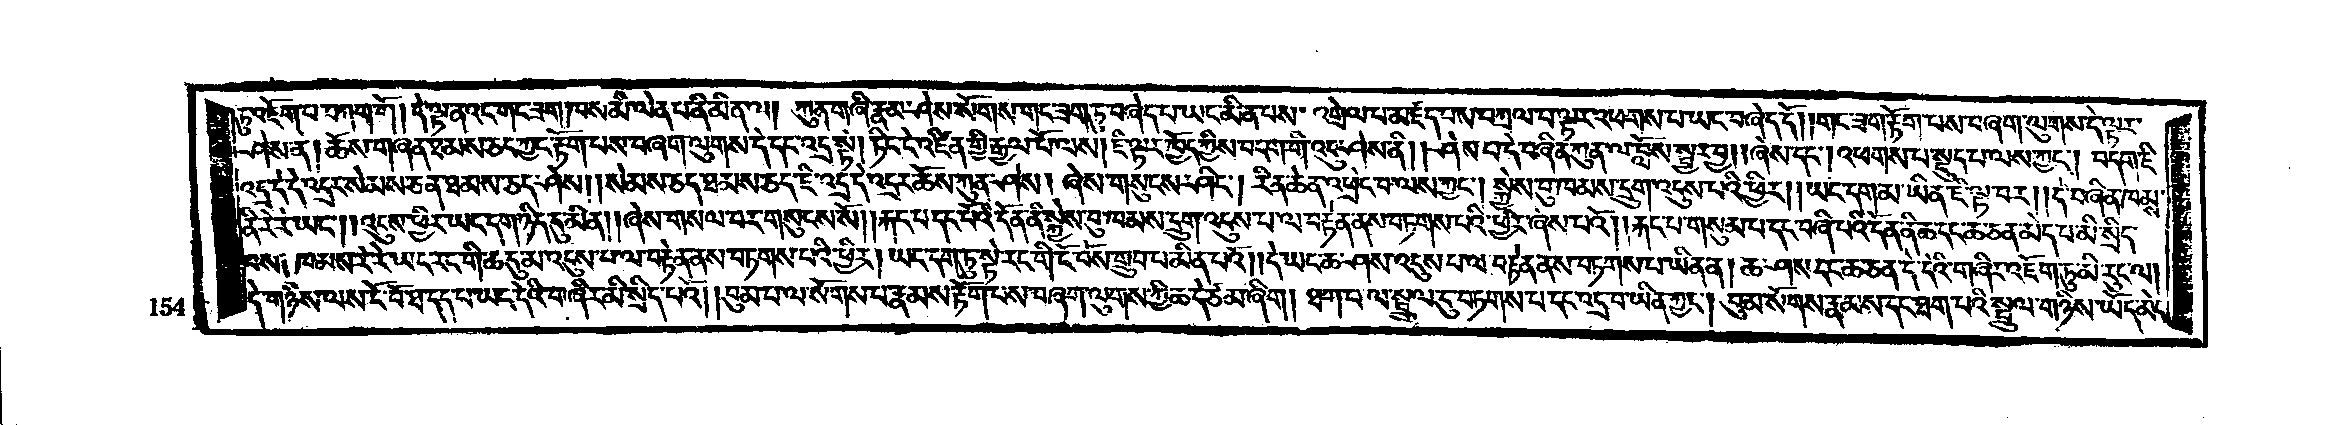ཏུ་འཇོག་པ་བཀག་གོ །དེ་ལྟ་ནའང་གང་ཟག་ཁས་མི་ལེན་པ་ནི་མིན་ལ། ཀུན་གཞི་རྣམ་ཤེས་སོགས་གང་ཟག་ཏུ་བཞེད་པ་ཡང་མིན་པས། འགྲེལ་པ་མཛད་པས་བཀྲལ་བ་ལྟར་འཕགས་པ་ཡང་བཞེད་དོ། །གང་ཟག་རྟོག་པས་བཞག་ལུགས་དེ་ལྟར་
ཤེས་ན། ཆོས་གཞན་ཐམས་ཅད་ཀྱང་རྟོག་པས་བཞག་ལུགས་དེ་དང་འདྲ་སྟེ། ཏིང་ངེ་འཛིན་གྱི་རྒྱལ་པོ་ལས། ཇི་ལྟར་ཁྱོད་ཀྱིས་བདག་གི་འདུ་ཤེས་ནི། །ཤེས་པ་དེ་བཞིན་ཀུན་ལ་བློས་སྦྱར་བྱ། །ཞེས་དང་། འཕགས་པ་སྡུད་པ་ལས་ཀྱང་། བདག་ཇི་
འདྲ་དེ་དེ་འདྲར་སེམས་ཅན་ཐམས་ཅད་ཤེས། །སེམས་ཅད་ཐམས་ཅད་ཇི་འདྲ་དེ་འདྲར་ཆོས་ཀུན་ཤེས། ཞེས་གསུངས་ཤིང་། རིན་ཆེན་འཕྲེང་བ་ལས་ཀྱང་། སྐྱེས་བུ་ཁམས་དྲུག་འདུས་པའི་ཕྱིར། །ཡང་དག་མ་ཡིན་ཇི་ལྟ་བར། །དེ་བཞིན་ཁམས་
ནི་རེ་རེ་ཡང་། །འདུས་ཕྱིར་ཡང་དག་ཉིད་དུ་མིན། །ཞེས་གསལ་བར་གསུངས་སོ། །རྐང་པ་དང་པོའི་དོན་ནི་སྐྱེས་བུ་ཁམས་དྲུག་འདུས་པ་ལ་བརྟེན་ནས་བཏགས་པའི་ཕྱིར་ཞེས་པའོ། །རྐང་པ་གསུམ་པ་དང་བཞི་པའི་དོན་ནི་ཆ་དང་ཆ་ཅན་མེད་པ་མི་སྲིད་
པས། ཁམས་རེ་རེ་ཡང་རང་གི་ཆ་དུ་མ་འདུས་པ་ལ་བརྟེན་ནས་བཏགས་པའི་ཕྱིར། ཡང་དག་ཏུ་སྟེ་རང་གི་ངོ་བོས་གྲུབ་པ་མིན་པའོ། །དེ་ཡང་ཆ་ཤས་འདུས་པ་ལ་བརྟེན་ནས་བཏགས་པ་ཡིན་ན། ཆ་ཤས་དང་ཆ་ཅན་ད་དེའི་གཞིར་འཇོག་ཏུ་མི་རུང་ལ།
དེ་གཉིས་ལས་ངོ་བོ་ཐ་དད་པ་ཡང་དེའི་གཞིར་མི་སྲིད་པའོ། །བུམ་པ་ལ་སོགས་པ་རྣམས་རྟོག་པས་བཞག་ལུགས་ཀྱི་ཆ་དེ་ཙམ་ཞིག །ཐག་པ་ལ་སྦྲུལ་དུ་བཏགས་པ་དང་འདྲ་བ་ཡིན་ཀྱང་། བུམ་སོགས་རྣམས་དང་ཐག་པའི་སྦྲུལ་གཉིས་ཡོད་མེད་